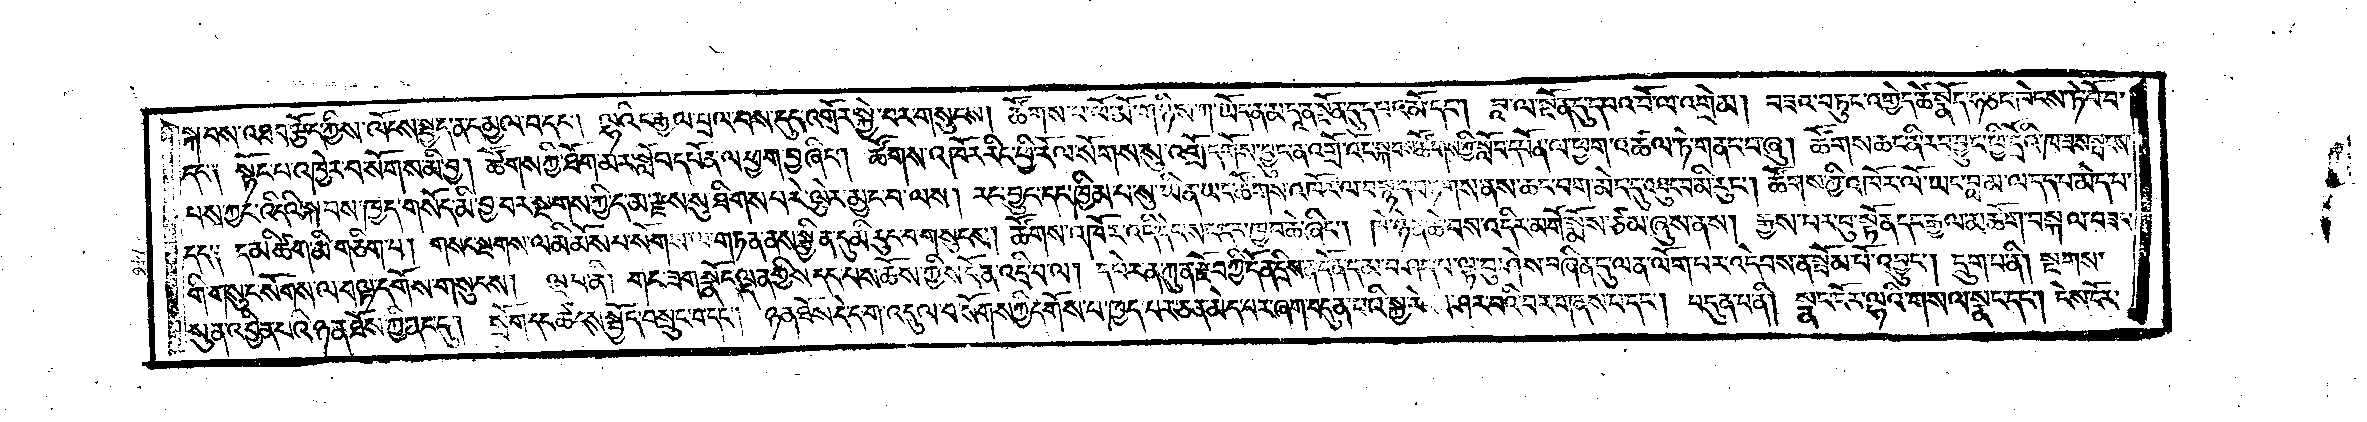སྐབས་འཐབ་རྩོད་ཀྱིས་ལོངས་སྤྱད་ན་དམྱལ་བ་དང་། ལྷའི་ང་རྒྱལ་བྲལ་བས་དུད་འགྲོར་སྐྱེ་བར་གསུངས། ཚོགས་པ་ཕོ་མོ་གཉིས་ཀ་ཡོད་ན་མདཱ་ན་སྔོན་དུ་དཔའ་མོ་དང་། བཱ་ལ་སྔོན་དུ་དཔའ་བོ་ལ་འགྲེམ། བཟའ་བཏུང་འགྱེད་ཚེ་སྣོད་ཧ་ཅང་ཁེངས་ཏེ་བོ་བ་
དང༑ སྟོང་པ་འཁྱེར་པ་སོགས་མི་བྱ། ཚོགས་ཀྱི་ཐོག་མར་སློབ་དཔོན་ལ་ཕྱག་བྱ་ཞིང་། ཚོགས་འཁོར་རིང་ཕྱི་རོལ་སོགས་སུ་འགྲོ་དགོས་བྱུང་ན་འགྲོ་འོང་སྐབས་ཚོགས་ཀྱི་སློབ་དཔོན་ལ་ཕྱག་འཚལ་ཏེ་གནང་བ་ཞུ། ཚོགས་ཆང་ནི་རབ་བྱུང་ཕྱི་དྲོའི་ཁ་ཟས་སྤངས་
པས་ཀྱང་འདིའི་སྐབས་ཁྱད་གསོང་མི་བྱ་བར་སྔགས་ཀྱི་དམ་རྫས་སུ་ཐིགས་པ་རེ་ལྕེར་མྱང་བ་ལས། རང་བྱུང་དང་ཁྱིམ་པ་སུ་ཡིན་ཡང་ཚོགས་འཁོར་ལ་བསྙད་བཏགས་ནས་ཆང་བག་མེད་ད་འཐུང་བ་མི་རུང་། ཚོགས་ཀྱི་འཁོར་ལོ་ཡང་བླ་མ་ལ་དད་པ་མེད་པ་
དང༑ དམ་ཚིག་མི་གཅིག་པ། གསང་སྔགས་ལ་མི་མོས་པ་སོགས་ལ་གཏན་ནས་སྦྱིན་དུ་མི་རུང་བ་གསུངས། ཚོགས་འཁོར་འདི་དེང་སང་དར་ཁྱབ་ཆེ་ཞིང་། ཁེ་ཉེན་ཆེ་བས་འདིར་མགོ་སྨོས་ཙམ་ཞུས་ནས། རྒྱས་བར་བུ་སྟོན་དང་རྒྱལ་མཆོག་བསྐལ་བཟང་
གི་གསུང་སོགས་ལ་བལྟ་དགོས་གསུངས། ལྔ་པ་ནི། གང་ཟག་སྣོད་ལྡན་གྱིས་དད་པས་ཆོས་ཀྱིས་དོན་འདྲི་བ་ལ། དཔེར་ན་ཀུན་རྫོབ་ཀྱི་དོན་དྲིས་ན་དོན་དམ་བཤད་པ་ལྟ་བུ་ཤེས་བཞིན་དུ་ལན་ལོག་པར་འདེབས་ན་སྦོམ་པོ་འབྱུང་། དྲུག་པ་ནི། སྔགས་
སུན་འབྱིན་པའི་ཉེན་ཐོས་ཀྱི་ནང་དུ། སྲོག་དང་ཚངས་སྤྱོད་བསྲུང་བ་དང་། ཉན་ཐོས་དེ་དག་འདུལ་བ་སོགས་ཀྱི་དགོས་པ་ཁྱད་པར་ཅན་མེད་པར་ཞག་བདུན་པའི་སྐྱ་རེངས་ཤར་བའི་བར་གནས་པ་དང་། བདུན་པ་ནི། སྣང་ངོར་ལྷའི་གསལ་སྣང་དང་། ངེས་ངོར་